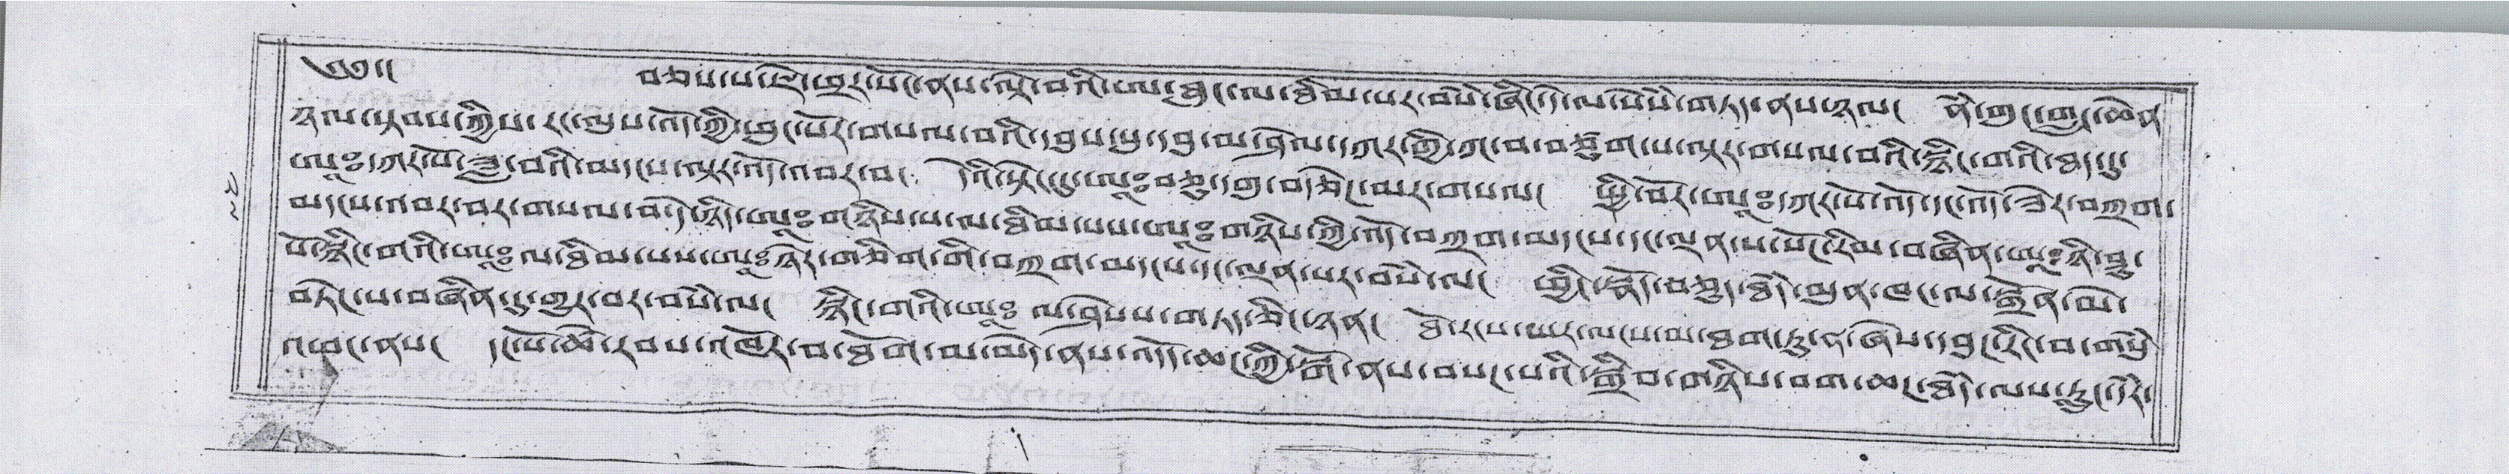བཅས་པ་ཇེ་ཕྲར་སོང་ནས་ལྟེ་བའི་ཨ་ཐུང་ལ་ཐིམ་པར་བསམ་ཞིང་དེ་ལ་སེམས་གཏད་ནས་ཉལ། ནམ་གུང་གླང་ཆེན་
ཉལ་སྟབས་ཀྱིས་རང་ལུས་འོད་ཀྱི་ཕུང་པོར་གསལ་བའི་དབུས་སུ་དབུ་མ་ཤེལ་དཀར་གྱི་ཀ་བ་བཙུགས་པ་ལྟར་གསལ་བའི་སྙིང་གའི་ཐད་དུ་
ཨཱཿདཀར་པོ་ཟླ་བའི་མདངས་ལྟར་འོད་འབར་བ། དེའི་སྟེང་དུ་ཨཱཿབཅུ་དགུ་བརྩེགས་མར་གསལ། སྤྱི་བོར་ཨཱཿདཀར་པོ་འོད་དང་འོད་ཟེར་བཀྲག་
མདངས་འབར་བར་གསལ་བ་དེ་ཉིད་ཨཱཿགཉིས་པ་ལ་ཐིམ་པས་ཨཱཿགཉིས་ཀྱི་འོད་བཀྲག་མདངས་དང་ལྡན་པ་སོགས་རིམ་བཞིན་ཨཱཿཉི་ཤུ་
པོ་སྙིང་གའི་ཨཱཿལ་ཐིམ་པས་ཨཱཿཉེར་གཅིག་གི་བཀྲག་མདངས་དང་ལྡན་པར་བསམ་ལ། ཕྱི་ནང་སྣོད་བཅུད་ཐམས་ཅད་མུན་ཁང་ལ་སྒྲོན་མེ་
བཏེགས་པ་བཞིན་དུ་གྱུར་པར་བསམ་ལ། སྙིང་གའི་ཨཱཿལ་ཤེས་པ་གཏད་ཅིང་ཉན། ཐོ་རངས་ཡར་ལངས་མ་ཐག་ཏུ་ཧཱཿཞེས་དབུགས་རིང་བ་གསུམ་
འཕངས་ནས། དང་པོ་ཚེ་རབས་འཁོར་བ་ཐོག་མེད་ནས་འདོད་ཆགས་ཀྱི་སྒོ་ནས་བསགས་པའི་སྒྲིབ་གཉིས་བག་ཆགས་ཐམས་ཅད་ལས་རླུང་དམར་ནག་